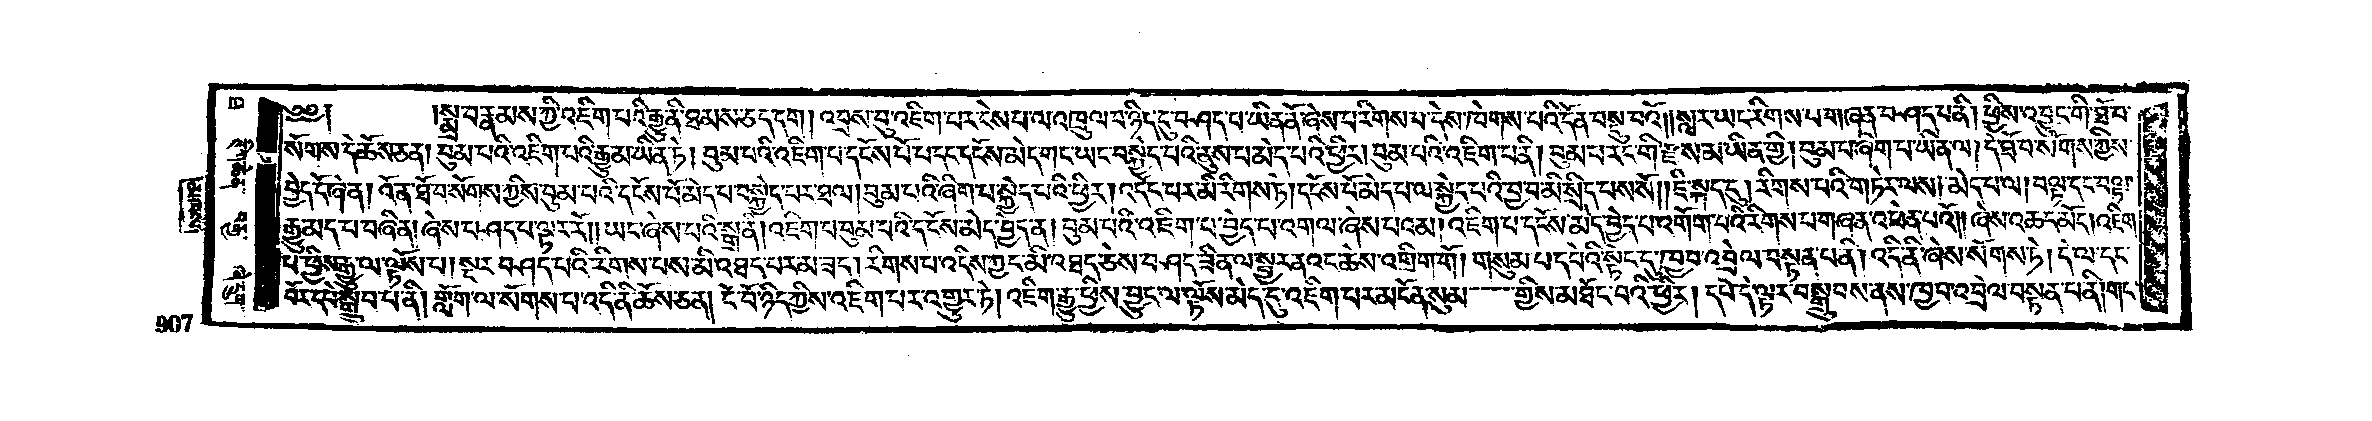༄༅། །སྨྲ་བ་རྣམས་ཀྱི་འཇིག་པའི་རྒྱུ་ནི་ཐམས་ཅད་དག །འབྲས་བུ་འཇིག་པར་ངེས་པ་ལ་འཁྲུལ་བ་ཉིད་དུ་བཤད་པ་ཡིན་ནོ་ཞེས་པ་རིགས་པ་དེས་ཁེགས་པའི་དོན་བསྡུ་བའོ། །སླར་ཡང་རིགས་པ་གཞན་བཤད་པ་ནི། ཕྱིས་འབྱུང་གི་ཐོ་བ་
སོགས་དེ་ཆོས་ཅན། བུམ་པའི་འཇིག་པའི་རྒྱུ་མ་ཡིན་ཏེ། བུམ་པའི་འཇིག་པ་དངོས་པོ་པ་དང་དངོས་མེད་གང་ཡང་བསྐྱེད་པའི་ནུས་པ་མེད་པའི་ཕྱིར། བུམ་པའི་འཇིག་པ་ནི། བུམ་པ་རང་གི་རྫས་མ་ཡིན་གྱི། བུམ་པ་ཞིག་པ་ཡིན་ལ། དེ་ཐོ་བ་སོགས་ཀྱིས་
བྱེད་དོ་ཞེ་ན། འོ་ན་ཐོ་བ་སོགས་ཀྱིས་བུམ་པའི་དངོས་པོ་མེད་པ་བསྐྱེད་པར་ཐལ། བུམ་པའི་ཞིག་པ་སྐྱེད་པའི་ཕྱིར། འདོད་པར་མི་རིགས་ཏེ། དངོས་པོ་མེད་པ་ལ་སྐྱེད་པའི་བྱ་བ་མི་སྲིད་པས་སོ། །ཇི་སྐད་དུ། རིགས་པའི་གཏེར་ལས། མེད་པ་ལ། བལྟ་དང་བལྟ་
རྒྱུ་མེད་པ་བཞིན། ཞེས་བཤད་པ་ལྟར་རོ། །ཡང་ཞེས་པའི་སྒྲ་ནི། འཇིག་པ་བུམ་པའི་དངོས་མེད་བྱེད་ན། བུམ་པའི་འཇིག་པ་བྱེད་པ་འགལ་ཞེས་པའམ། འཇིག་པ་དངོས་མེད་བྱེད་པ་འགོག་པའི་རིགས་པ་གཞན་འཕེན་པའོ། །ཞེས་འཆད་མོད། འཇིག་
པ་ཕྱིས་རྒྱུ་ལ་ལྟོས་པ། སྔར་བཤད་པའི་རིགས་པས་མི་འཐད་པར་མ་ཟད། རིགས་པ་འདིས་ཀྱང་མི་འཐད་ཅེས་བཤད་ཟིན་ལ་སྦྱར་ནའང་ཆེས་འགྲིག་གོ །གསུམ་པ་དཔེའི་སྟེང་དུ་ཁྱབ་འབྲེལ་བསྟན་པ་ནི། འདི་ནི་ཞེས་སོགས་ཏེ། དེ་ལ་དང་
པོར་དཔེ་སྒྲུབ་པ་ནི། གློག་ལ་སོགས་པ་འདི་ནི་ཆོས་ཅན། ངོ་བོ་ཉིད་ཀྱིས་འཇིག་པར་འགྱུར་ཏེ། འཇིག་རྒྱུ་ཕྱིས་བྱུང་ལ་ལྟོས་མེད་དུ་འཇིག་པར་མངོན་སུམ་གྱིས་མཐོང་བའི་ཕྱིར། དཔེ་དེ་ལྟར་བསྒྲུབས་ནས་ཁྱབ་འབྲེལ་བསྟན་པ་ནི། གང་